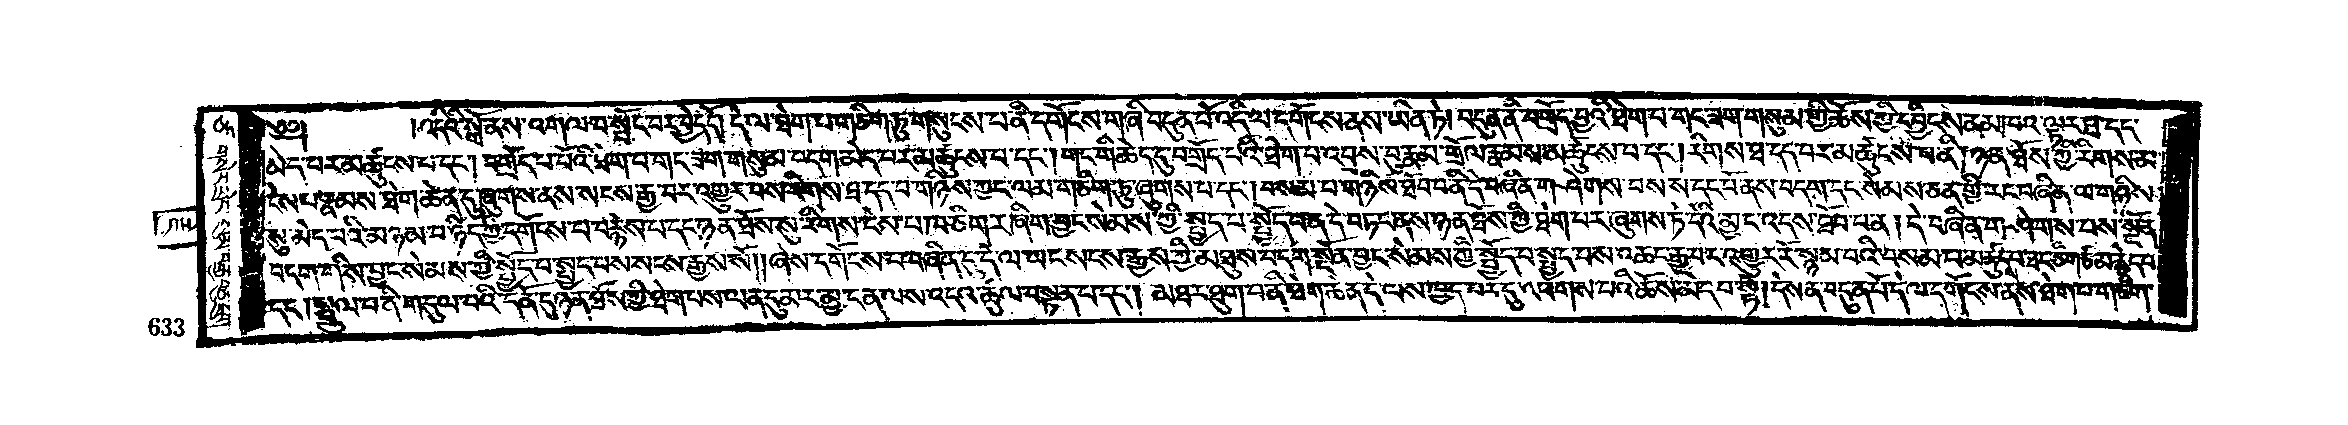༄༅། །འདིའི་སྒོ་ནས་འགལ་བ་སྤོང་བར་བྱེད་དོ། དེ་ལ་ཐེག་པ་གཅིག་ཏུ་གསུངས་པ་ནི་དགོངས་གཞི་བདུན་པོ་འདི་ལ་དགོངས་ནས་ཡིན་ཏེ། བདུན་ནི་བགྲོད་བྱའི་ཐེག་པ་གང་ཟག་གསུམ་གྱི་ཆོས་ཀྱི་དབྱིངས་ནམ་མཁའ་ལྟར་ཐ་དད་
མེད་པར་མཚུངས་པ་དང་། བགྲོད་པ་པོའི་ཐེག་པ་གང་ཟག་གསུམ་བདག་མེད་པར་མཚུངས་པ་དང་། གང་གི་ཆེད་དུ་བགྲོད་པའི་ཐེག་པ་འབྲས་བུ་རྣམ་གྲོལ་རྣམས་མཚུངས་པ་དང་། རིགས་ཐ་དད་པར་མཚུངས་པ་ནི། ཉན་ཐོས་ཀྱི་རིགས་མ་
ངེས་པ་རྣམས་ཐེག་ཆེན་དུ་ཞུགས་ནས་སངས་རྒྱ་བར་འགྱུར་བས་རིགས་ཐ་དད་པ་གཉིས་ཀྱང་ལམ་གཅིག་ཏུ་ཞུགས་པ་དང་། བསམ་པ་གཉིས་ཐོབ་པ་ནི་དེ་བཞིན་གཤེགས་པས་ས་དང་པོ་ནས་བདག་དང་སེམས་ཅན་གྱི་རང་བཞིན་ལ་གཉིས་
སུ་མེད་པའི་མཉམ་པ་ཉིད་ཀྱི་དགོངས་པ་བརྙེས་པ་དང་ཉན་ཐོས་སུ་རིགས་ངེས་པ་ཁ་ཅིག་རེ་ཞིག་བྱང་སེམས་ཀྱི་སྤྱད་པ་སྤྱོད་པ་ན་དེ་བཏང་ནས་ཉན་ཐོས་ཀྱི་ཐེག་པར་ཞུགས་ཏེ་དེའི་མྱང་འདས་ཐོབ་པ་ན། དེ་བཞིན་གཤེགས་པས་སྔོན་
བདག་གིས་བྱང་སེམས་ཀྱི་སྤྱོད་པ་སྤྱད་པས་སངས་རྒྱས་སོ། །ཞེས་དགོངས་པ་བཞིན་དུ་དེ་ལ་ཡང་སངས་རྒྱས་ཀྱི་མཐུས་བདག་སྔོན་བྱང་སེམས་ཀྱི་སྤྱོད་པ་སྤྱད་པས་འཚང་རྒྱ་བར་འགྱུར་རོ་སྙམ་པའི་བསམ་པ་མཚུངས་པ་ཐང་ཅིག་ཙམ་རྙེད་པ་
དང་། སྤྲུལ་པ་ནི་གདུལ་བའི་དོན་དུ་ཉན་ཐོས་ཀྱི་ཐེག་པས་ལན་དུ་མར་མྱ་ངན་ལས་འདའ་ཚུལ་བསྟན་པ་དང་། མཐར་ཐུག་པ་ནི་ཐེག་ཆེན་དེ་ལས་ཁྱད་པར་དུ་འཕགས་པའི་ཆོས་མེད་པ་སྟེ། དེས་ན་བདུན་པོ་དེ་ལ་དགོངས་ནས་ཐེག་པ་གཅིག་